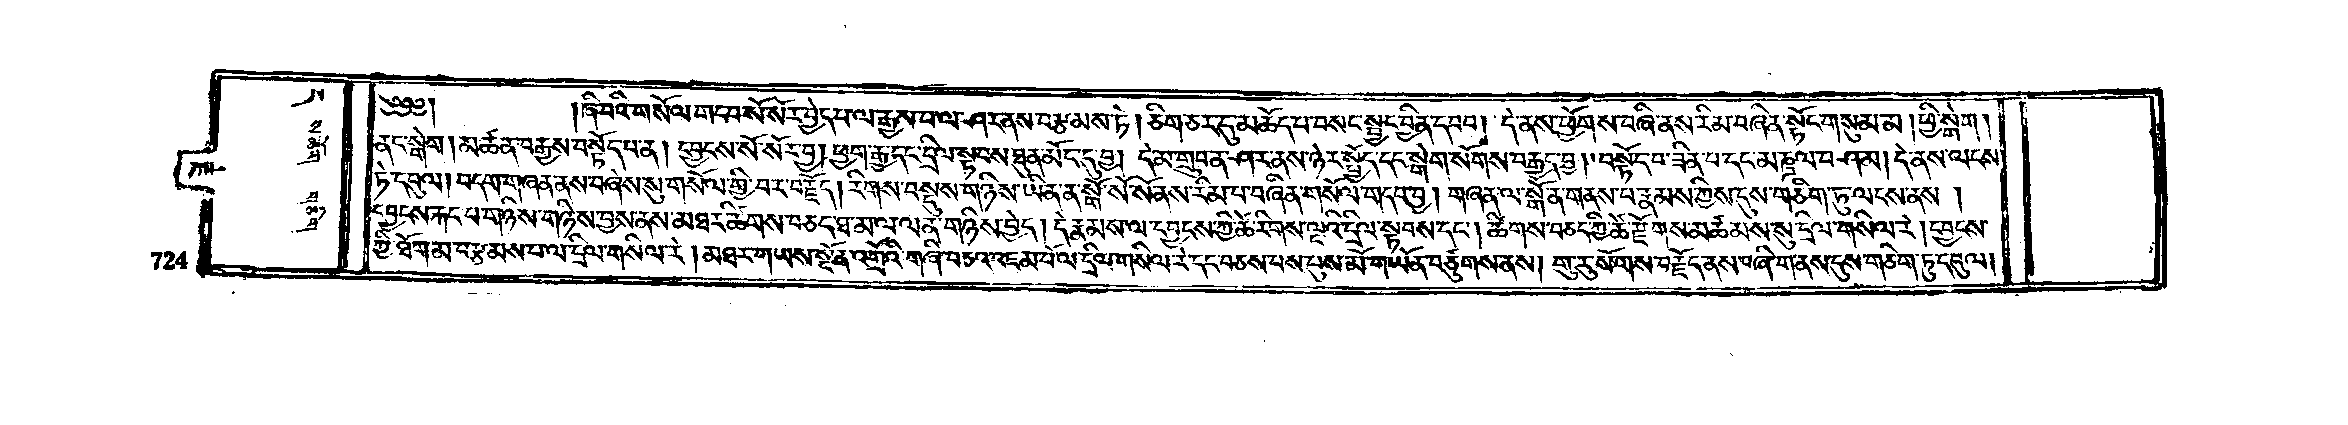༄༅༅། །ཞི་བའི་གསོལ་གདབ་སོ་སོར་བྱེད་པ་ལ་རྒྱས་པ་ལ་ཤར་ནས་བརྩམས་ཏེ། ཅིག་ཅར་དུ་མཆོད་པ་བསང་སྦྱང་བྱིན་དབབ། དེ་ནས་ཕྱོགས་བཞི་ནས་རིམ་བཞིན་སྟོང་གསུམ་མ། ཕྱི་སྒེག །
ནང་སྒེག །མཚན་བརྒྱས་བསྟོད་པ་ན། དབྱངས་སོ་སོར་བྱ། ཕྱག་རྒྱ་དང་དྲིལ་སྟབས་ཐུན་མོང་དུ་བྱ། དེ་མ་གྲུབ་ན་ཤར་ནས་ཉེར་སྤྱོད་དང་སྒེག་སོགས་བརྒྱད་བྱ། །བསྟོད་པ་ཟིན་པ་དང་མཎྜལ་བཤམ། དེ་ནས་ལངས་
ཏེ་དབུལ། བདག་གཞན་ནས་བཞེས་སུ་གསོལ་གྱི་བར་བརྗོད། རིགས་བསྡུས་གཉིས་ཡིན་ན་སྒོ་སོ་སོ་ནས་རིམ་པ་བཞིན་གསོལ་གདབ་བྱ། གཞན་ལ་སྒོ་ན་གནས་པ་རྣམས་ཀྱིས་དུས་གཅིག་ཏུ་ལངས་ནས།
དབྱངས་རྐང་པ་གཉིས་གཉིས་བྱས་ནས་མཐར་ཚིགས་བཅད་ཐ་མ་ལ་ལན་གཉིས་བྱེད། དེ་རྣམས་ལ་དབྱངས་ཀྱི་ཚེ་རིགས་ལྔའི་དྲིལ་སྟབས་དང་། ཚིགས་བཅད་ཀྱི་ཚེ་རྫོགས་མཚམས་སུ་དྲིལ་གསིལ་རེ། དབྱངས་
ཀྱི་ཐོག་མ་བརྩམས་པ་ལ་དྲིལ་གསིལ་རེ། མཐར་གཡས་སྔོན་འགྲོའི་གཞི་བཅའ་འཇམ་པོ་ལ་དྲིལ་གསིལ་རེ་དང་བཅས་པས་པུས་མོ་གཡོན་བཙུགས་ནས། གུ་རུ་སོགས་བརྗོད་ནས་བཞི་གནས་དུས་གཅིག་ཏུ་དབུལ།